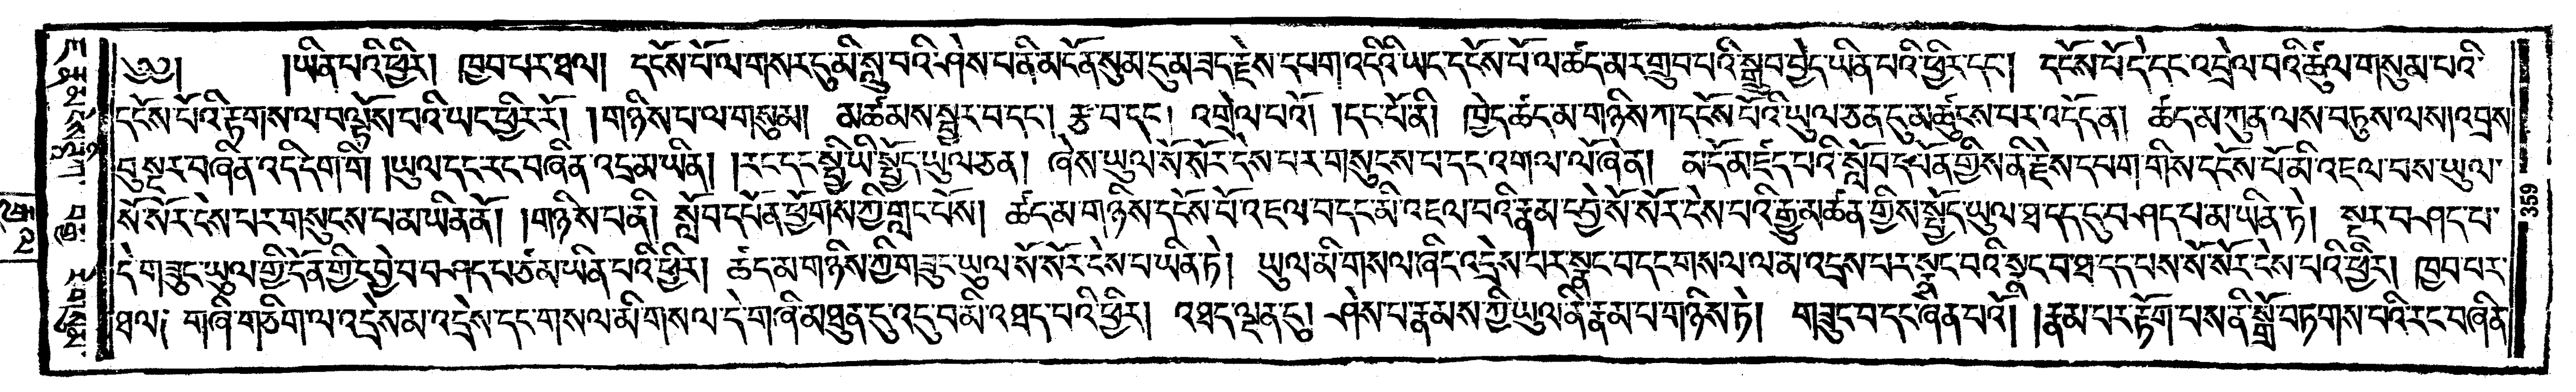༄༅། །ཡིན་པའི་ཕྱིར། ཁྱབ་པར་ཐལ། དངོས་པོ་ལ་གསར་དུ་མི་སླུ་བའི་ཤེས་པ་ནི་མངོན་སུམ་དུ་མ་ཟད་རྗེས་དཔག་འདིའི་ཡང་དངོས་པོ་ལ་ཚད་མར་གྲུབ་པའི་སྒྲུབ་བྱེད་ཡིན་པའི་ཕྱིར་དང་། དངོས་པོ་དེ་དང་འབྲེལ་པའི་ཚུལ་གསུམ་པའི་
དངོས་པོའི་རྟགས་ལ་བལྟོས་པའི་ཡང་ཕྱིར་རོ། །གཉིས་པ་ལ་གསུམ། མཚམས་སྦྱར་བ་དང་། རྩ་བ་དང་། འགྲེལ་པའོ། །དང་པོ་ནི། ཁྱེད་ཚད་མ་གཉིས་ཀ་དངོས་པོའི་ཡུལ་ཅན་དུ་མཚུངས་པར་འདོད་ན། ཚད་མ་ཀུན་ལས་བཏུས་ལས། འབྲས་
བུ་སྔར་བཞིན་འདི་དག་གི །ཡུལ་དང་རང་བཞིན་འདྲ་མ་ཡིན། །རང་དང་སྤྱི་ཡི་སྤྱོད་ཡུལ་ཅན། ཞེས་ཡུལ་སོ་སོར་ངེས་པར་གསུངས་པ་དང་འགལ་ལོ་ཞེ་ན། མདོ་མཛད་པའི་སློབ་དཔོན་གྱིས་ནི་རྗེས་དཔག་གིས་དངོས་པོ་མི་འཇལ་བས་ཡུལ་
སོ་སོར་ངེས་པར་གསུངས་པ་མ་ཡིན་ནོ། །གཉིས་པ་ནི། སློབ་དཔོན་ཕྱོགས་ཀྱི་གླང་པོས། ཚད་མ་གཉིས་དངོས་པོ་འཇལ་བ་དང་མི་འཇལ་བའི་རྣམ་དབྱེ་སོ་སོར་ངེས་པའི་རྒྱུ་མཚན་གྱིས་སྤྱོད་ཡུལ་ཐ་དད་དུ་བཤད་པ་མ་ཡིན་ཏེ། སྔར་བཤད་པ་
དེ་གཟུང་ཡུལ་གྱི་དོན་གྱི་དབྱེ་བ་བཤད་པ་ཙམ་ཡིན་པའི་ཕྱིར། ཚད་མ་གཉིས་ཀྱི་གཟུང་ཡུལ་སོ་སོར་ངེས་པ་ཡིན་ཏེ། ཡུལ་མི་གསལ་ཞིང་འདྲེས་པར་སྣང་བ་དང་གསལ་ལ་མ་འདྲས་པར་སྣང་བའི་སྣང་བ་ཐ་དད་པས་སོ་སོར་ངེས་པའི་ཕྱིར། ཁྱབ་པར་
ཐལ། གཞི་གཅིག་ལ་འདྲེས་མ་འདྲེས་དང་གསལ་མི་གསལ་དེ་གཞི་མཐུན་དུ་འདུ་བ་མི་འཐད་པའི་ཕྱིར། འཐད་ལྡན་དུ། ཤེས་པ་རྣམས་ཀྱི་ཡུལ་ནི་རྣམ་པ་གཉིས་ཏེ། གཟུང་བ་དང་ཞེན་པའོ། །རྣམ་པར་རྟོག་པས་ནི་སྒྲོ་བཏགས་པའི་རང་བཞིན་